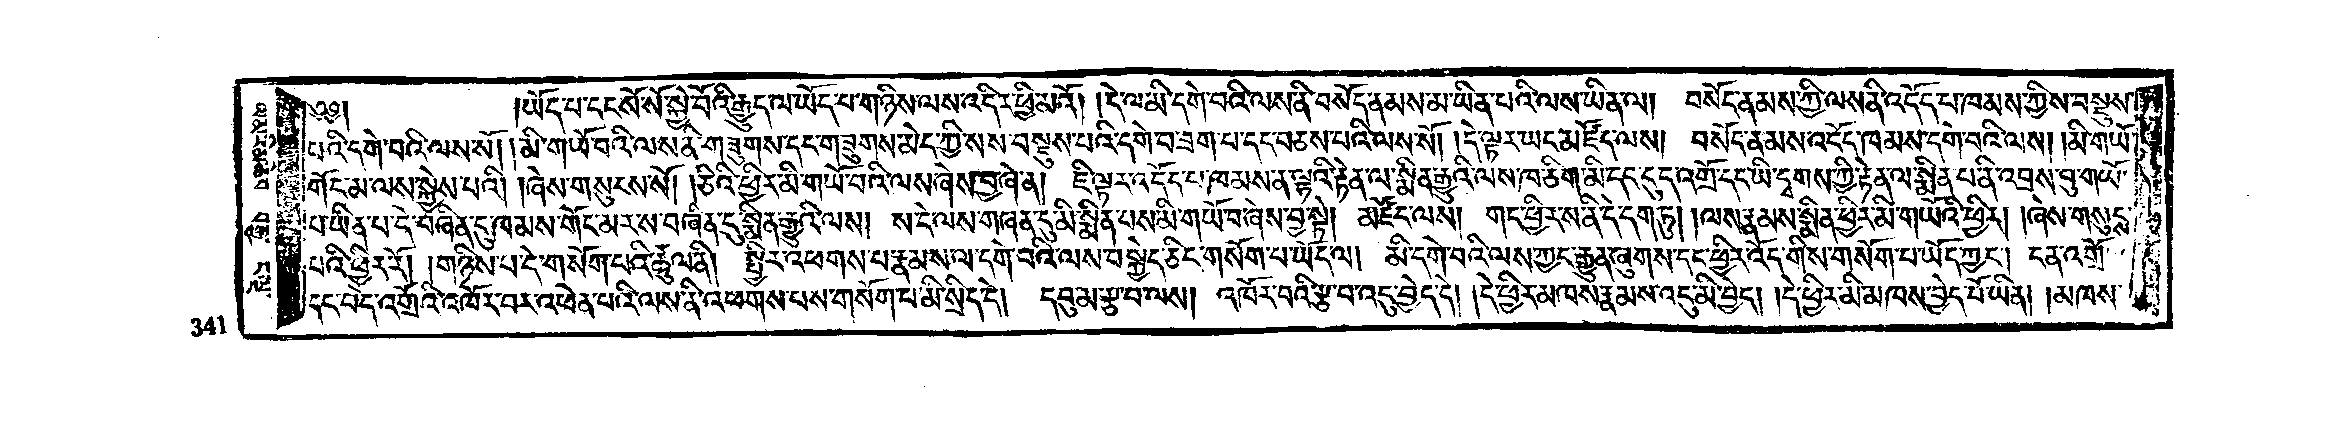༄༅། །ཡོད་པ་དང་སོ་སོ་སྐྱེ་བོའི་རྒྱུད་ལ་ཡོད་པ་གཉིས་ལས་འདིར་ཕྱི་མའོ། །དེ་ལ་མི་དགེ་བའི་ལས་ནི་བསོད་ནམས་མ་ཡིན་པའི་ལས་ཡིན་ལ། བསོད་ནམས་ཀྱི་ལས་ནི་འདོད་པ་ཁམས་ཀྱིས་བསྡུས་
པའི་དགེ་བའི་ལས་སོ། །མི་གཡོ་བའི་ལས་ནི་གཟུགས་དང་གཟུགས་མེད་ཀྱི་སས་བསྡུས་པའི་དགེ་བ་ཟག་པ་དང་བཅས་པའི་ལས་སོ། །དེ་ལྟར་ཡང་མཛོད་ལས། བསོད་ནམས་འདོད་ཁམས་དགེ་བའི་ལས། །མི་གཡོ་
གོང་མ་ལས་སྐྱེས་པའི། །ཞེས་གསུངས་སོ། །ཅིའི་ཕྱིར་མི་གཡོ་བའི་ལས་ཞེས་བྱ་ཞེ་ན། ཇི་ལྟར་འདོད་པ་ཁམས་ན་ལྷའི་རྟེན་ལ་སྨིན་རྒྱུའི་ལས་ཁ་ཅིག་མི་དང་དུད་འགྲོ་དང་ཡི་དྭགས་ཀྱི་རྟེན་ལ་སྨིན་པ་ནི་འབྲས་བུ་གཡོ་
བ་ཡིན་པ་དེ་བཞིན་དུ་ཁམས་གོང་མར་ས་གཞན་དུ་སྨིན་རྒྱུའི་ལས། ས་དེ་ལས་གཞན་དུ་མི་སྨིན་པས་མི་གཡོ་བ་ཞེས་བྱ་སྟེ། མཛོད་ལས། གང་ཕྱིར་ས་ནི་དེ་དག་ཏུ། །ལས་རྣམས་སྨིན་ཕྱིར་མི་གཡོའི་ཕྱིར། །ཞེས་གསུངས་
པའི་ཕྱིར་རོ། །གཉིས་པ་དེ་གསོག་པའི་ཚུལ་ནི། སྤྱིར་འཕགས་པ་རྣམས་ལ་དགེ་བའི་ལས་བསྐྱེད་ཅིང་གསོག་པ་ཡོད་ལ། མི་དགེ་བའི་ལས་ཀྱང་རྒྱུན་ཞུགས་དང་ཕྱིར་འོང་གིས་གསོག་པ་ཡོད་ཀྱང་། ངན་འགྲོ་
དང་བདེ་འགྲོའི་འཁོར་བར་འཕེན་པའི་ལས་ནི་འཕགས་པས་གསོག་པ་མི་སྲིད་དེ། དབུ་མ་རྩ་བ་ལས། འཁོར་བའི་རྩ་བ་འདུ་བྱེད་དེ། །དེ་ཕྱིར་མཁས་རྣམས་འདུ་མི་བྱེད། །དེ་ཕྱིར་མི་མཁས་བྱེད་པོ་ཡིན། །མཁས་